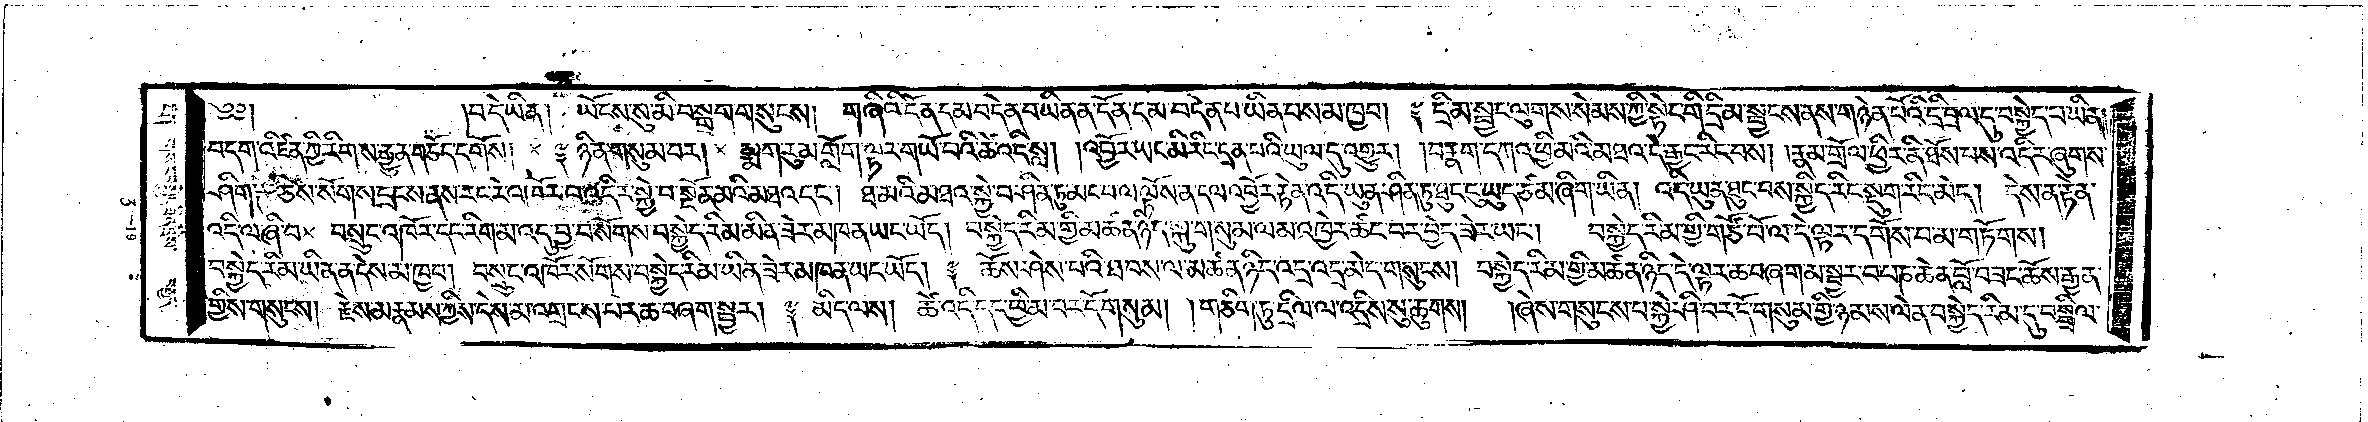༄༅། །བ་དེ་ཡིན། ཡོངས་སུ་མི་བསྒྲག་གསུངས། གཞིའི་དོན་དམ་བདེན་བ་ཡིན་ན་དོན་དམ་བདེན་པ་ཡིན་བསམ་ཁྱབ། ༈ དྲི་མ་སྦྱང་ལུགས་སེམས་ཀྱི་སྟེང་གི་དྲི་མ་སྦྱངས་ནས་གཉེན་པོའི་དྲི་བྲལ་དུ་བསྐྱེད་པ་ཡིན།
བདག་འཛིན་ཀྱི་རིགས་རྒྱུན་གཅོད་དགོས། ྾་༈ ཉིན་གསུམ་བར། ྾་སྨག་རུ་མ་གློག་ལྟར་གཡོ་བའི་ཚེ་འདི་སླ། །འབྱོར་ཡང་མི་རིང་དྲན་པའི་ཡུལ་དུ་འགྱུར། །བྲང་དཀའ་ཕྱི་མའི་མཐའ་དེ་རྒྱང་རིང་བས། །རྣམ་གྲོལ་ཕྱིར་ནི་ཐོས་པས་འདིར་ཞུགས་
ཤིག༑ ཅེས་སོགས་དྲངས་ནས་རང་རེ་འཁོར་བ་འདིར་སྐྱེ་བ་སྔོན་མའི་མཐའ་དང་། ཐ་མའི་མཐའ་སྐྱེ་བ་ཤིན་ཏུ་མང་པ་ལ་ལྟོས་ན་དལ་འབྱོར་རྟེན་འདི་ཡུན་ཤིན་ཏུ་ཐུང་ངུ་ཡུད་ཙམ་ཞིག་ཡིན། འདི་ཡུན་ཐུང་བས་སྐྱིད་རིང་སྡུག་རིང་མེད། དེས་ན་རྟེན་
འདི་ལ་ཞི་བ?་བསྲུང་འཁོར་དང་རིག་མ་འདུ་བྱ་བ་སོགས་བསྐྱེད་རིམ་མིན་ཟེར་མཁན་ཡང་ཡོད། བསྐྱེད་རིམ་གྱི་མཚན་ཉིད་སྐུ་གསུམ་ལམ་འཁྱེར་ཚང་བར་བྱེད་ཟེར་ཡང་། བསྐྱེད་རིམ་གྱི་གཙོ་བོ་ལ་དེ་ལྟར་དགོས་པ་མ་གཏོགས།
བསྐྱེད་རིམ་ཡིན་ན་དེས་མ་ཁྱབ། བསྲུང་འཁོར་སོགས་བསྐྱེད་རིམ་ཡིན་ཟེར་མཁན་ཡང་ཡོད། ༈ ཆོས་ཤེས་པའི་ཐབས་ལ་མཚན་ཉིད་འདྲ་འདྲ་མེད་གསུངས། བསྐྱེད་རིམ་གྱི་མཚན་ཉིད་དེ་ལྟར་ཆ་བཞག་མ་སྦྱར་བ་པཎ་ཆེན་བློ་བཟང་ཆོས་རྒྱན་
གྱིས་གསུངས། རྗེས་མ་རྣམས་ཀྱིས་དེས་མ་འགྲངས་པར་ཆ་བཞག་སྦྱར། ༈ མིད་ལས། ཚེ་འདི་དང་ཕྱི་མ་བར་དོ་གསུམ། །གཅིག་ཏུ་དྲིལ་ལ་འདྲིས་སུ་ཆུགས། །ཞེས་གསུངས་པ་སྐྱེ་ཤི་བར་དོ་གསུམ་གྱི་ཉམས་ལེན་བསྐྱེད་རིམ་དུ་བསྒྲིལ་